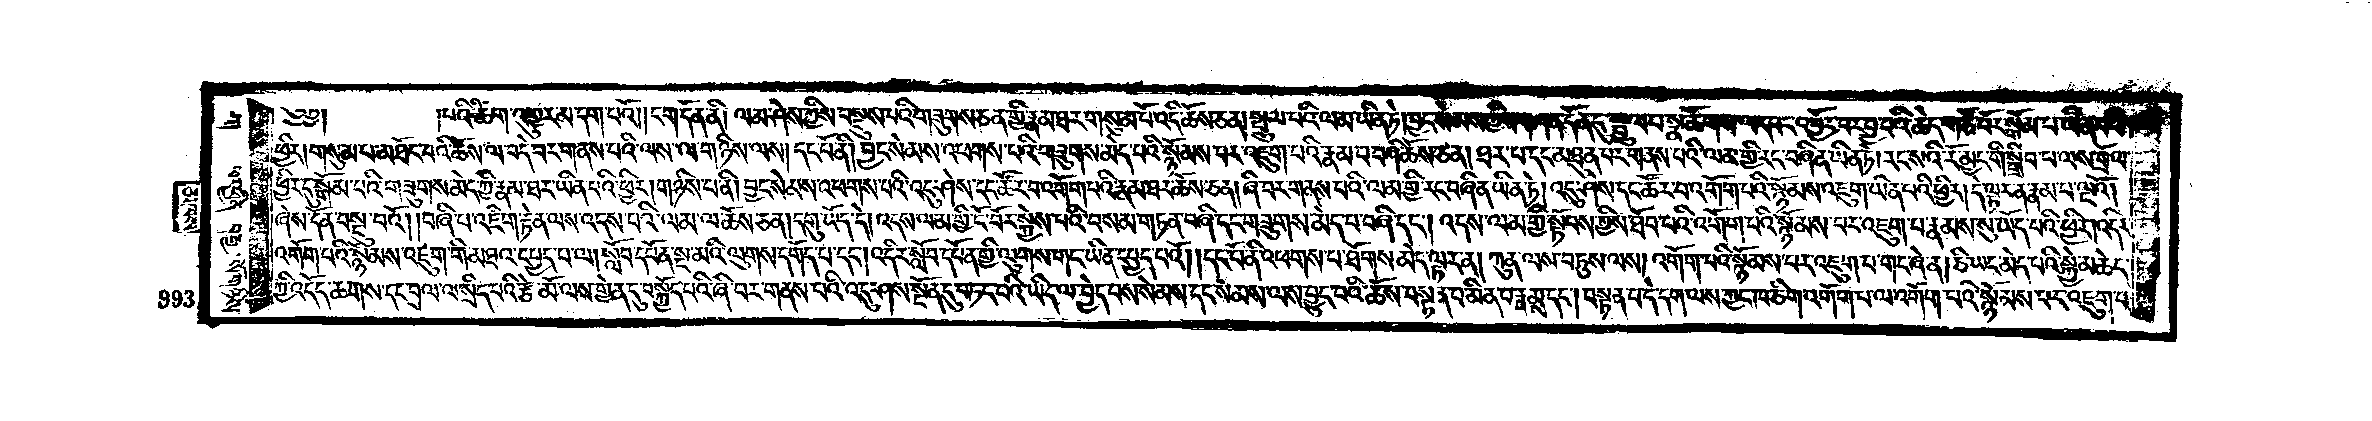༄༅། །པའི་ཚིག་འགྱུར་མ་དག་པའོ། །ངག་དོན་ནི། ལམ་ཤེས་ཀྱིས་བསྡུས་པའི་གཟུགས་ཅན་གྱི་རྣམ་ཐར་གསུམ་པོ་འདི་ཆོས་ཅན། སྤྲུལ་པའི་ལམ་ཡིན་ཏེ། བྱང་སེམས་ཀྱིས་གཞན་དོན་དུ་སྤྲུལ་པ་སྣ་ཚོགས་ལ་དབང་འབྱོར་བར་བྱ་བའི་ཆེད་གཙོ་བོར་སྒོམ་པ་ཡིན་པའི་
ཕྱིར༑ གསུམ་པ་མཐོང་བའི་ཆོས་ལ་བདེ་བར་གནས་པའི་ལས་ལ་གཉིས་ལས། དང་པོ་ནི། བྱང་སེམས་འཕགས་པའི་གཟུགས་མེད་པའི་སྙོམས་པར་འཇུག་པའི་རྣམ་པ་བཞི་ཆོས་ཅན། ཐར་པ་དང་མཐུན་པར་གནས་པའི་ལམ་གྱི་རང་བཞིན་ཡིན་ཏེ། རང་སའི་རོ་མྱང་གི་སྒྲིབ་པ་ལས་གྲོལ་
ཕྱིར་དུ་སྒོམ་པའི་གཟུགས་མེད་ཀྱི་རྣམ་ཐར་ཡིན་པའི་ཕྱིར། གཉིས་པ་ནི། བྱང་སེམས་འཕགས་པའི་འདུ་ཤེས་དང་ཚོར་བ་འགོག་པའི་རྣམ་ཐར་ཆོས་ཅན། ཞི་བར་གནས་པའི་ལམ་གྱི་རང་བཞིན་ཡིན་ཏེ། འདུ་ཤེས་དང་ཚོར་བ་འགོག་པའི་སྙོམས་འཇུག་ཡིན་པའི་ཕྱིར། དེ་ལྟར་ན་རྣམ་པ་ལྔའོ།
ཞེས་དོན་བསྡུ་བའོ། །བཞི་པ་འཇིག་རྟེན་ལས་འདས་པའི་ལམ་ལ་ཆོས་ཅན། དགུ་ཡོད་དེ། འདས་ལམ་གྱི་ངོ་བོར་སྐྱེས་པའི་བསམ་གཏན་བཞི་དང་གཟུགས་མེད་པ་བཞི་དང་། འདས་ལམ་གྱི་སྟོབས་ཀྱིས་ཐོབ་པའི་འགོག་པའི་སྙོམས་པར་འཇུག་པ་རྣམས་སུ་ཡོད་པའི་ཕྱིར། འདིར་
འགོག་པའི་སྙོམས་འཇུག་གི་མཐའ་དཔྱད་པ་ལ། སློབ་དཔོན་སྔ་མའི་ལུགས་དགོད་པ་དང་། འདིར་སློབ་དཔོན་གྱི་ལུགས་གང་ཡིན་དཔྱད་པའོ། །དང་པོ་ནི་འཕགས་པ་ཐོགས་མེད་ལྟར་ན། ཀུན་ལས་བཏུས་ལས། འགོག་པའི་སྙོམས་པར་འཇུག་པ་གང་ཞེ་ན། ཅི་ཡང་མེད་པའི་སྐྱེ་མཆེད་
ཀྱི་འདོད་ཆགས་དང་བྲལ་ལ་སྲིད་པའི་རྩེ་མོ་ལས་གྱེན་དུ་བསྐྱོད་པའི་ཞི་བར་གནས་པའི་འདུ་ཤེས་སྔོན་དུ་བཏང་བའི་ཡིད་ལ་བྱེད་པས་སེམས་དང་སེམས་ལས་བྱུང་བའི་ཆོས་བསྟན་པ་མིན་པ་རྣམས་དང་། བསྟན་པ་དེ་དག་ལས་ཀྱང་ཁ་ཅིག་འགོག་པ་ལ་འགོག་པའི་སྙོམས་པར་འཇུག་པ་